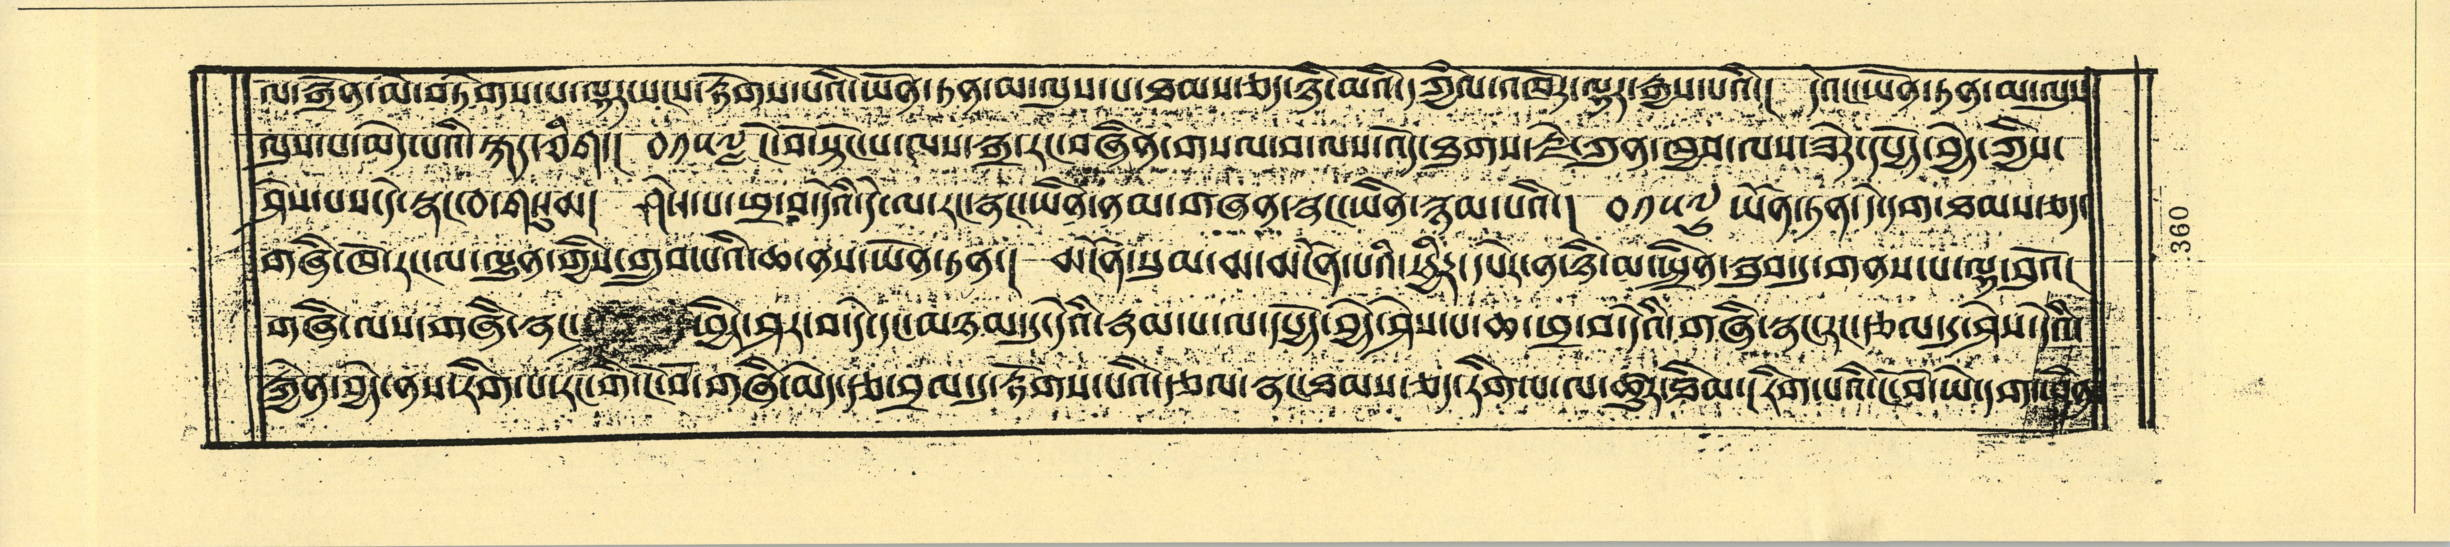ལ་སྒྲོན་མེ་བཏེགས་པ་ལྟར་སངས་རྟོགས་པའི་ཡོན་ཏན་མ་ལུས་པ་ཐམས་ཅད་ཉི་མའི་དཀྱིལ་འཁོར་ལྟར་རྒྱས་པའི། དེའང་ཡོན་ཏན་མ་ལུས་
ལུས་པ་མེད་པའི་སྐད་ཅིག་ བ༡༥༧།༤ ངོ་བོ་སྟོང་པ་ལས་སྒྲ་རང་བཞིན་གསལ་བ་ལས་འོད་ཐུགས་རྗེ་ཀུན་ཁྱབ་ལས་ཟེར་དཔྱོད་བྱེད་ཀྱིས་
ཤེས་པས་དེ་སྣང་བ་གསུམ། ཤེས་པ་ཕྲ་བ་དེའི་དེ་ལ་རང་སྣང་ཡིན་ནམ་གཞན་སྣང་ཡིན་སྙམ་པའི། བ༡༥༧།༦ ཡོན་ཏན་དེ་དག་ཐམས་ཅད་
གཞི་ཁོ་རང་ལ་ལྷུན་གྱིས་གྲུབ་པའི་ཆ་ནས་ཡོན་ཏན། མངོན་སུམ་མ་མངོན་པའི་ཕྱིར་དཔེར་ན་ཉི་མ་སྤྲིན་སྦུབ་དུ་གནས་པ་ལྟ་བུའོ། 
གཞི་ལས་གཞི་སྣང་ཕྱིར་ཤར་བ་དེ་དང་མཉམ་དུ་དེའི་རྣམ་པ་ལ་དཔྱོད་བྱེད་ཤེས་པ་ཆ་ཕྲ་བ་དེའི་གཞི་སྣང་རང་རྩལ་དུ་ཤེས་དེའི་
རྐྱེན་བྱེད་ནས་རིག་པ་རང་གི་ངོ་བོ་གཞི་མེད་རྩ་བྲལ་དུ་རྟོགས་པའི་རྩལ་སྣང་ཐམས་ཅད་རིག་པ་ལ་ཚུར་ཐིམ། རིག་པའི་ངོ་བོ་ཡེ་དག་ཕྱིན་